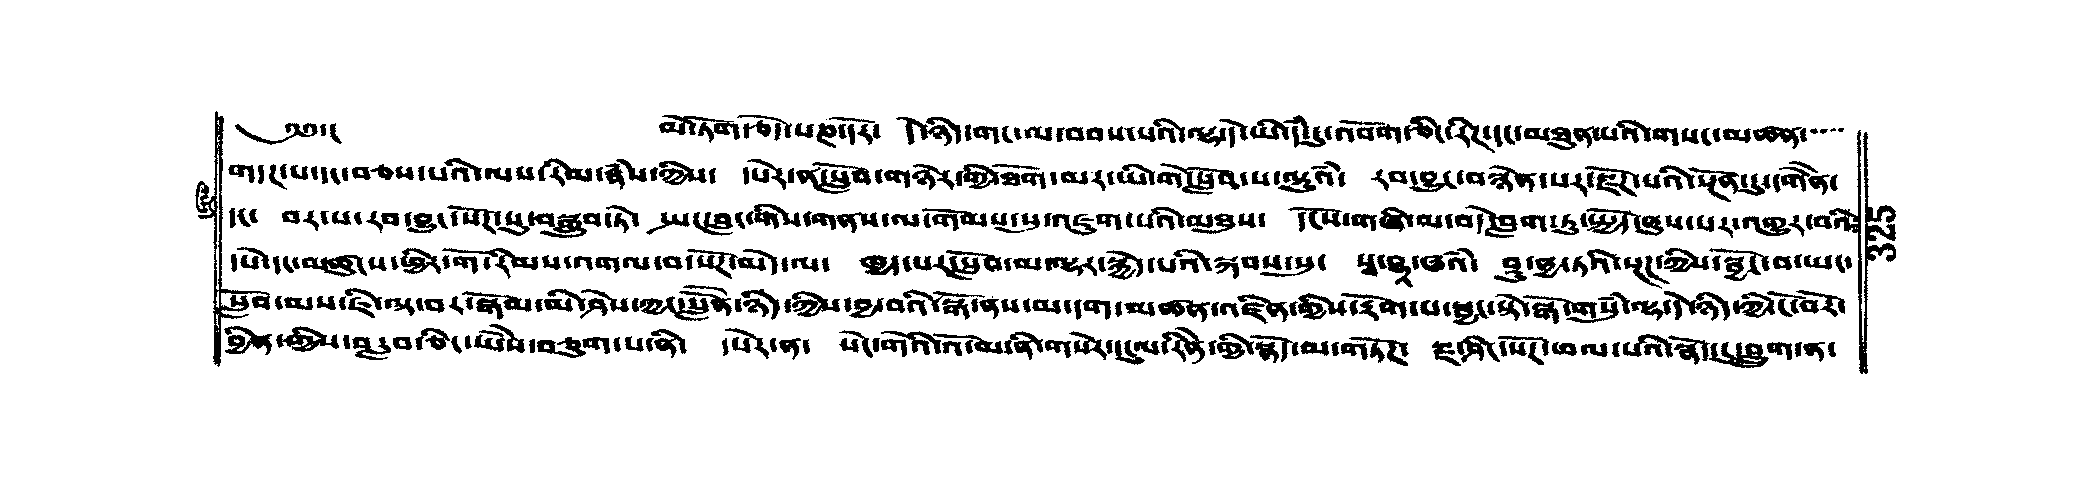མེ་ཏོག་གི་ཅོད་པཎ་དོར། དེ་ཉིད་གང་ལ་བབས་པའི་ལྷ་དེ་ཡི་དམ་དུ་འབོག་ཅིང་རིགས་དང་མཐུན་པའི་གསང་མཚན་
གདགས་པ་དང་བཅས་པའི་ལས་རིམ་རྣམས་ཀྱིས། དཔེར་ན་སློབ་གཉེར་གྱི་ཐོག་མར་ཡི་གེ་སློབ་པ་ལྟ་བུའམ། རབ་བྱུང་བསྙེན་པར་རྫོགས་པའི་སྔོན་དུ་དགེ་བསྙེན་
དང་། བར་པ་རབ་བྱུང་སོགས་སུ་བསྒྲུབ་ཏེ། སྤང་བླང་གིས་གནས་ལ་གོམས་སུ་འཇུག་པའི་མཐུས། དངོས་གཞི་ལ་བདེ་བླག་ཏུ་སྤྱོད་ནུས་པར་འགྱུར་བའི་
དཔེ་དང་མཚུངས་ཕྱིར་གོ་རིམ་འགལ་བ་སོགས་མེད་ལ། ཁྱད་པར་སློབ་མ་ལྷར་སྐྱེད་པའི་སྐབས་སུ། སྭ་བྷཱ་ཝའམ། ཤུ་ནྱ་ཏའི་སྔགས་ཀྱི་སྦྱོང་བ་ཡང་
སློབ་མས་ཇི་ལྟ་བར་སྒོམ་མི་ཤེས་ཀྱང་སློབ་དཔོན་ཉིད་ཀྱིས་བྱ་བའི་སྒོ་ནས་མ་དག་མཚན་འཛིན་གྱིས་རྟོག་པ་སྦྱང་སྟེ་སྒོ་གསུམ་ལྷ་དེ་ཉིད་ཀྱི་ངོ་བོར་
བྱིན་གྱིས་བརླབ་ཅིང་ཡེ་ཤེས་བཅུག་པ་ནི། དཔེར་ན། སེང་གེའི་འོ་མ་ནི་གསེར་དངུལ་རིན་ཆེན་གྱི་སྣོད་མ་གཏོགས། རྫ་ཤིང་སོགས་ཕལ་པའི་སྣོད་དུ་བླུག་ན་